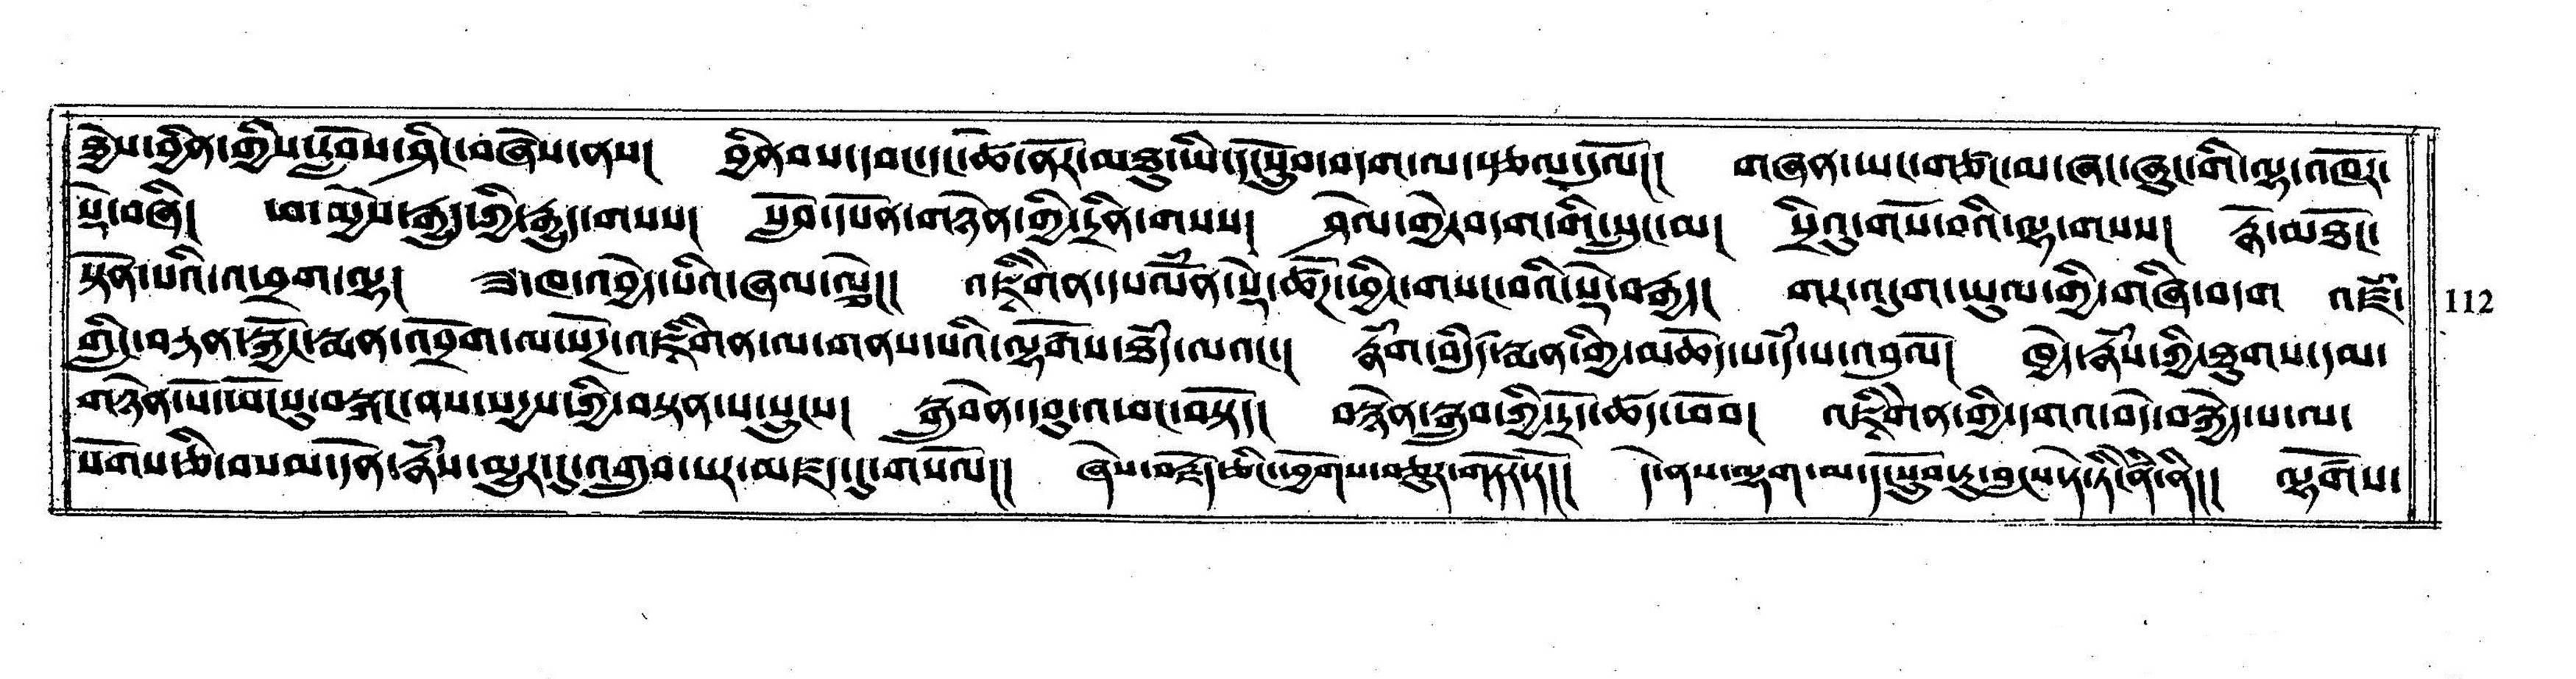ཐུགས་རྗེས་བྱིན་གྱིས་རློབས་ཤིང་བཞེས་ནས། བྱིན་རླབས་དབང་དང་ཚེ་ནོར་མཐུ་ཡི་དངོས་གྲུབ་བདག་ལ་སྩལ་དུ་གསོལ། གཞན་ཡང་གཙང་མ་ཞང་ཞུང་གི་ལྷ་འཁོར་
སྡེ་བཞི། ཕ་མྱེས་རྒྱུད་ཀྱི་རྒྱུད་གསས། སློབ་དཔོན་གཉེན་གྱི་དྲིན་གསས། ཤེལ་གྱེར་བདག་གི་སྲུང་མ། སྲིའུ་གསོ་བའི་ལྷ་གསས། རྣོ་མཐོང་
སྟོན་པའི་འཕྲག་ལྷ། ཟ་ཁ་འབྱེད་པའི་ཞལ་ལྕེ།། འཇིག་རྟེན་དཔལ་མགོན་སྡེ་ཚོགས། ཕྱི་ནང་གསང་བའི་སྡེ་བརྒྱད། གར་འདུག་ཡུལ་གྱི་གཞི་བདག །འཛམ་
གླིང་བརྟན་སྐྱོང་སྨན་འབྲོག་ལ་སོགས་འཇིག་རྟེན་ལ་གནས་པའི་ལྷ་ཚོགས་ཐམས་ཅད་ལའང་། རྣམ་དག་བདུད་རྩི་སྨན་གྱི་མཆོད་པ་དམ་པ་འབུལ་ལོ། ཁྱེད་རྣམས་ཀྱི་ཐུགས་དམ་
གཉེན་པོ་ཡོངས་སུ་བསྐང་ནས་སངས་རྒྱས་ཀྱི་བསྟན་པ་སྲུངས། སྒྲུབ་གཤེན་དབུ་འཕང་བསྟོད། བསྙེན་སྒྲུབ་ཀྱི་དྲོད་ཚད་ཕོབ། འཇིག་རྟེན་གྱི་དགའ་བདེ་བསྐྱེད་པ་ལ་
སོགས་ཅི་བསམ་དོན་རྣམས་མྱུར་དུ་འགྲུབ་པར་མཛད་དུ་གསོལ།། ཞེས་བརྗོད་ཅིང་ཕྱོགས་བཅུར་གཏོར་རོ།། དེ་ནས་ལྷག་མ་དངོས་གྲུབ་ཏུ་བླངས་ཏེ་ཏིང་ངེ་འཛིན་ནི།། ལྷ་ཚོགས་